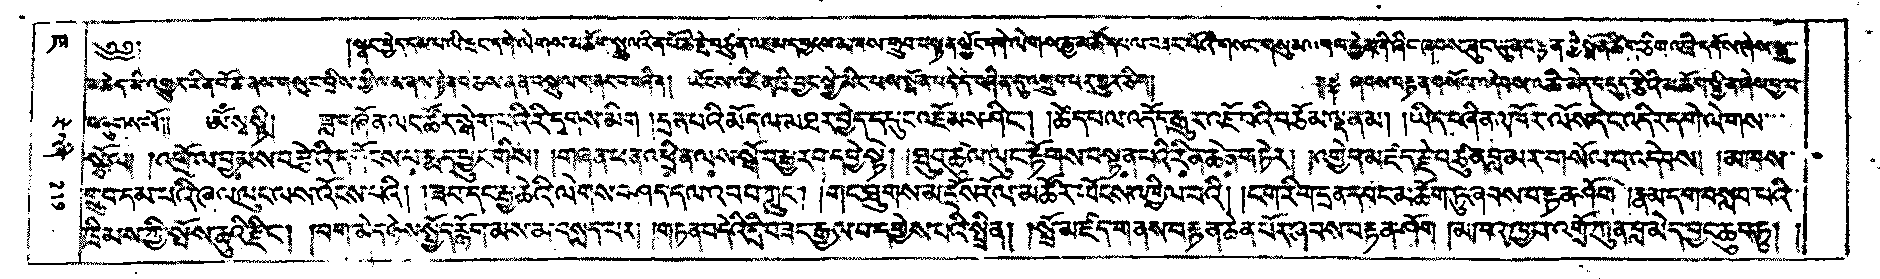༄༅། །སྣང་བྱེད་དམ་པ་ལི་ཐང་དགེ་ལེགས་མཆོག་སྤྲུལ་རིན་པོ་ཆེ་རྗེ་བཙུན་འཇམ་དབྱངས་མཁས་གྲུབ་བསྟན་སྐྱོང་དགེ་ལེགས་རྒྱ་མཚོ་དཔལ་བཟང་པོའི་གསང་གསུམ་འགལ་རྐྱེན་ཞི་ཞིང་ཞབས་ཟུང་ཡུན་བརྟན་གྱི་སྨོན་ཚིག་ཅིག་འབྲི་དགོས་ཞེས་སྐུ་
མཆེད་མི་འགྱུར་རིན་པོ་ཆེ་ནས་གསུང་བྲིས་ཀྱི་ལམ་ནས་རྟེན་བཅས་ནན་བསྐུལ་གནང་བ་བཞིན། ཡོངས་འཛིན་ཁྲི་བྱང་སྐྱེ་མིང་པས་སྨོན་པ་དེ་དེ་བཞིན་དུ་འགྲུབ་པར་གྱུར་ཅིག ། །། ༈ ཞབས་བརྟན་གསོལ་འདེབས་འཆི་མེད་བདུད་རྩིའི་མཆོག་སྦྱིན་ཞེས་བྱ་བ་
བཞུགས་སོ།། ཨོཾ་སྭ་སྟི། ཟླ་གཞོན་ལང་ཚོར་སྒེག་པའི་རི་དྭགས་མིག །དྲན་པའི་མོད་ལ་མཐར་བྱེད་དཔུང་འཇོམས་ཤིང་། །ཚེ་དཔལ་འདོད་རྒུར་འཇོ་བའི་བཅོམ་ལྡན་མ། །ཡིད་བཞིན་འཁོར་ལོས་དེང་འདིར་དགེ་ལེགས་
སྩོལ། །འགྲོ་ལ་བྱམས྾་བརྩེའི་དགོངས་པ྾་རྨད་བྱུང་གིས། །གཞན་ཕན་འཕྲིན྾་ལས྾་སྒོ་བརྒྱ་རབ་དབྱེ་སྟེ། །ཐུབ྾་ཚུལ་ལུང་རྟོགས་བསྟན་པའི་རིན྾་ཆེན྾་གཏེར། །འགྱེད་མཛད་རྗེ་བཙུན་བླ་མར་གསོལ་བ་འདེབས། །མཁས་
གྲུབ་དམ་པའི་ཞལ་ལུང་ལས་འོངས་པའི། །ཟབ་དང་རྒྱ་ཆེའི་ལེགས་བཤད་དལ་འབབ་ཀླུང་། །གང་ཐུགས་མ་དྲོས་རོལ་མཚོར་ཡོངས་འཁྱིལ་བའི། །ངག་རིག་དྲན་དབང་མཆོག་ཏུ་ཞབས་བརྟན་ཤོག །རྣམ་དག་བསླབ་པའི་
ཁྲིམས་ཀྱི་སྤོས་ཆུའི་རྫིང་། །བག་མེད་ཉེས་སྤྱོད་རྙོག་མས་མ་བསླད་པར། །གཏན་བདེའི་དྲི་བཟང་རྒྱལ་བ་དགྱེས་པའི་སྤྲིན། །སྤྲོ་མཛད་གནས་བརྟན་ཆེན་པོར་ཞབས་བརྟན་ཤོག །མཁའ་ཁྱབ་འགྲོ་ཀུན་བླ་མེད་བྱང་ཆུབ་ཏུ། །